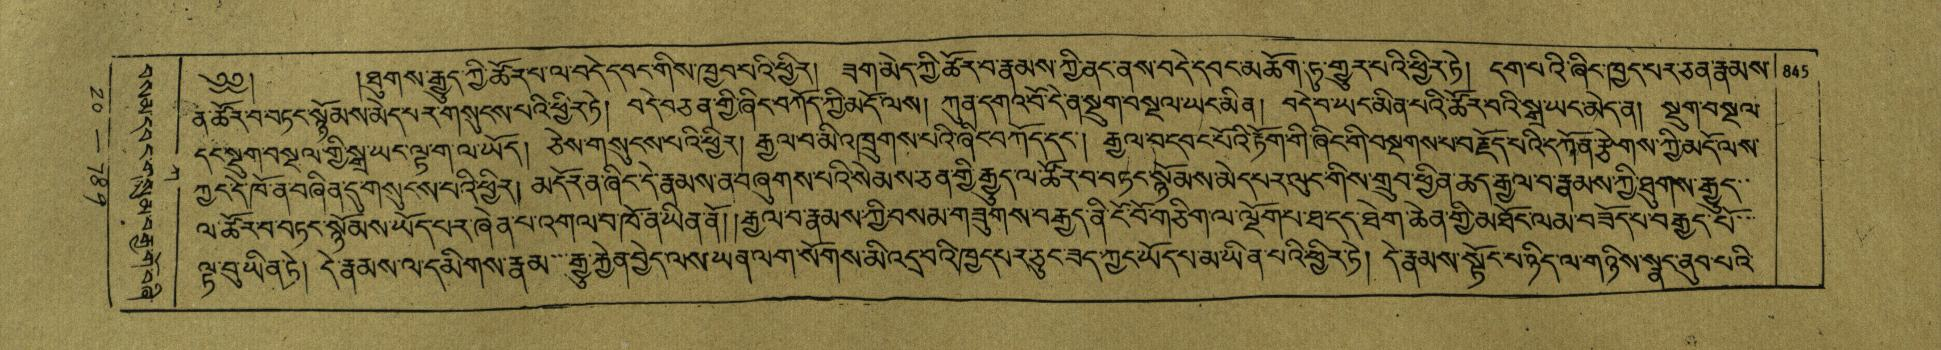༄༅། །ཐུགས་རྒྱུད་ཀྱི་ཚོར་བ་ལ་བདེ་དབང་གིས་ཁྱབ་པའི་ཕྱིར། ཟག་མེད་ཀྱི་ཚོར་བ་རྣམས་ཀྱི་ནང་ནས་བདེ་དབང་མཆོག་ཏུ་གྱུར་པའི་ཕྱིར་ཏེ། དག་པའི་ཞིང་ཁྱད་པར་ཅན་རྣམས་
ན་ཚོར་བ་བཏང་སྙོམས་མེད་པར་གསུངས་པའི་ཕྱིར་ཏེ། བདེ་བ་ཅན་གྱི་ཞིང་བཀོད་ཀྱི་མདོ་ལས། ཀུན་དགའ་བོ་དེ་ན་སྡུག་བསྔལ་ཡང་མིན། བདེ་བ་ཡང་མིན་པའི་ཚོར་བའི་སྒྲ་ཡང་མེད་ན། སྡུག་བསྔལ་
དང་སྡུག་བསྔལ་གྱི་སྒྲ་ཡང་ལྟ་ག་ལ་ཡོད། ཅེས་གསུངས་པའི་ཕྱིར། རྒྱལ་བ་མི་འཁྲུགས་པའི་ཞིང་བཀོད་དང་། རྒྱལ་བ་དབང་པོའི་རྟོག་གི་ཞིང་གི་བསྔགས་པ་བརྗོད་པའི་དཀོན་རྩེགས་ཀྱི་མདོ་ལས་
ཀྱང་དེ་ཁོ་ན་བཞིན་དུ་གསུངས་པའི་ཕྱིར། མདོར་ན་ཞིང་དེ་རྣམས་ན་བཞུགས་པའི་སེམས་ཅན་གྱི་རྒྱུད་ལ་ཚོར་བ་བཏང་སྙོམས་མེད་པར་ལུང་གིས་གྲུབ་ཕྱིན་ཆད་རྒྱལ་བ་རྣམས་ཀྱི་ཐུགས་རྒྱུད་
ལ་ཚོར་བ་བཏང་སྙོམས་ཡོད་པར་ཞེན་པ་འགལ་བ་ཁོ་ན་ཡིན་ནོ། །རྒྱལ་བ་རྣམས་ཀྱི་བསམ་གཟུགས་བརྒྱད་ནི་ངོ་བོ་གཅིག་ལ་ལྡོག་པ་ཐ་དད་ཐེག་ཆེན་གྱི་མཐོང་ལམ་བཟོད་པ་བརྒྱད་པོ་
ལྟ་བུ་ཡིན་ཏེ། དེ་རྣམས་ལ་དམིགས་རྣམ་རྒྱུ་རྐྱེན་བྱེད་ལས་ཡན་ལག་སོགས་མི་འདྲ་བའི་ཁྱད་པར་ཅུང་ཟད་ཀྱང་ཡོད་པ་མ་ཡིན་པའི་ཕྱིར་ཏེ། དེ་རྣམས་སྟོང་པ་ཉིད་ལ་གཉིས་སྣང་ནུབ་པའི་